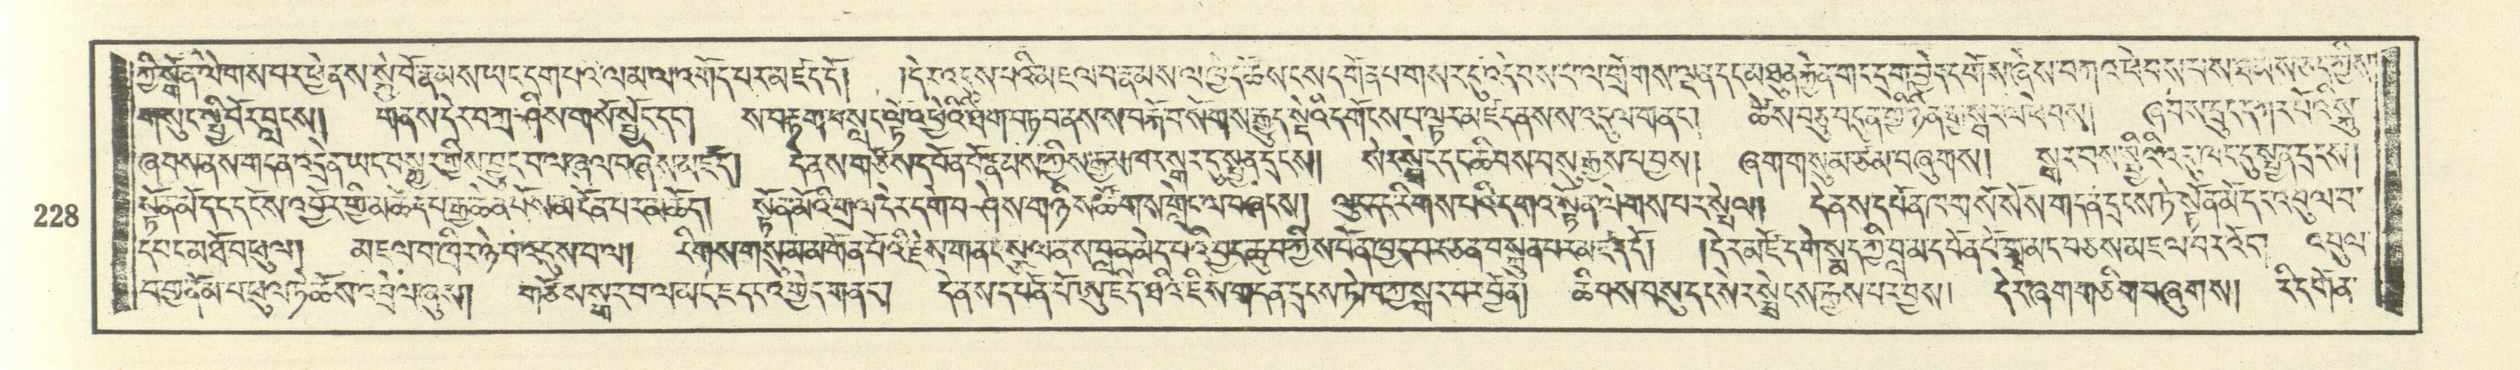ཀྱི་སྒོ་ནི་ལེགས་པར་ཕྱེ་ནས་སྐྱེ་བོ་རྣམས་ཡང་དག་པའི་ལམ་ལ་འགོད་པར་མཛད་དོ། །དེར་འདུས་པའི་མཇལ་བ་རྣམས་ལ་ཁྱེད་ཚོས་ངས་དགོན་པ་གསར་དུ་འདེབས་པ་ལ་གྲོགས་ལྡན་དང་མཐུན་རྐྱེན་གང་དྲག་བྱེད་དགོས་ཞེས་བཀའ་ཕེབས་པས་ཐམས་ཅད་ཀྱིས་
གསུང་སྤྱི་བོར་བླངས། གནས་དེར་བཀྲ་ཤིས་གསོ་སྦྱོང་དང་། ས་བརྟག་བསླང་ལྟོ་འཕྱེའི་ཐིག་བཏབ་ནས་ས་བརྐོ་བ་སོགས་རྒྱུད་སྡེའི་དགོངས་པ་ལྟར་མཛད་ནས་ས་འདུལ་གནང་། ཚེས་བཅུ་བདུན་གྱི་ཉིན་རྒྱ་སྒར་ལ་ཕེབས། ཞབས་དྲུང་དཀར་པོའི་སྐུ་
ཞབས་ནས་གདན་འདྲེན་ཡང་བསྐྱར་གྱིས་བྱུང་བ་ལ་ཞལ་བཞེས་མཛད། དེ་ནས་གཙོས་དཔོན་པོ་རྣམས་ཀྱིས་རྒྱ་མཁར་སྒར་དུ་སྤྱན་དྲངས། སེར་སྦྲེང་དང་ཆིབས་བསུ་རྒྱས་པ་བྱས། ཞག་གསུམ་ཙམ་བཞུགས། སྒར་བས་སྤྱིའི་འདུ་ཁང་དུ་སྤྱན་དྲངས།
སྟོན་མོ་དང་དངོས་འབྱོར་གྱི་མཆོད་པ་རྒྱ་ཆེན་པོས་མངོན་པར་མཆོད། སྟོན་མོའི་གྲལ་དེར་དགེ་བཤེས་གཉིས་ཚོགས་གླེང་ལ་བཞེངས། ལུང་དང་རིགས་པའི་དགའ་སྟོན་ལེགས་པར་སྤེལ། དེ་ནས་དཔོན་ཁག་སོ་སོས་གདན་དྲངས་ཏེ་སྟོན་མོ་དང་འབུལ་བ་
དཔང་མཐོ་བ་ཕུལ། མཇལ་བ་ཁྲིར་ཉེ་བ་འདུས་པ་ལ། རིགས་གསུམ་མགོན་པོའི་རྗེས་གནང་སྩལ་ནས་བླ་ན་མེད་པའི་བྱང་ཆུབ་ཀྱི་ས་བོན་ཁྱད་པར་ཅན་བསྐྲུན་པར་མཛད་དོ། །དེར་མཛོད་དགེ་སྨད་ཀྱི་བླ་མ་དཔོན་པོ་གྲྭ་མང་བཅས་མཇལ་བར་འོང་། འབུལ་
བ་གྱ་ནོམ་པ་ཕུལ་ཏེ་ཆོས་འབྲེལ་ཞུས། གཙོས་སྒར་བ་ལ་མང་ཇ་དང་འགྱེད་གནང་། དེ་ནས་དཔོན་པོ་ཨུ་ཇིད་ཐའི་ཇིས་གདན་དྲངས་ཏེ་ཁ་ཀྱ་སྒར་བར་བྱོན། ཆིབས་བསུ་དང་སེར་སྤྲེངས་རྒྱས་པར་བྱས། དེར་ཞག་གཅིག་བཞུགས། རི་དགོན་